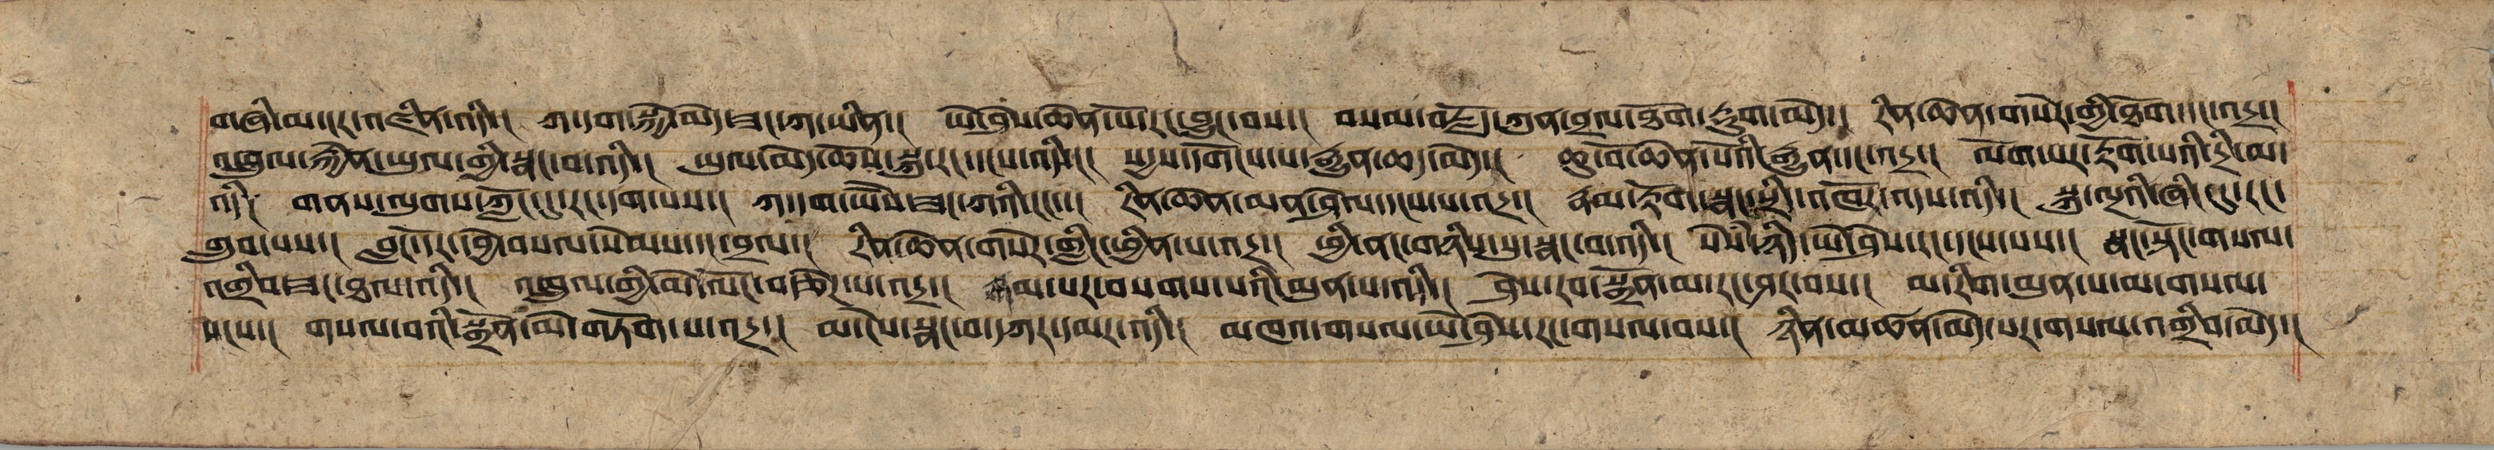གཞི་མ་ངར་འཛིན་འདི་། ཀ་དག་སྐྱེ་མེད་ཟང་ཀ་ཡིན་། ཡེ་ཤེས་ཆེན་པོ་རང་བྱུང་བས་། བསམ་བརྗོད་ཀུན་བྲལ་ཐོག་རྡུག་མེད་། རིན་ཆེན་གསེར་གྱི་ཐོག་དང་འདྲ་།
འཁྲུལ་རྐྱེན་ཡུལ་གྱི་སྣང་བ་འདི་། ཡུལ་མེད་ཆོས་སྐུ་རང་དངས་འདི་། སདྱས་དགོངས་པ་རྒྱུན་ཆད་མེད་། ཆུ་བོ་ཆེན་པོའི་རྒྱུན་དང་འདྲ་། ལོག་པར་རྟོག་པའི་དྲི་མ་
འདི༑ གནས་ལུགས་ཀློང་དུ་རང་དག་པས་། ཀ་དག་ཡཻས་ཟང་ཀའི་ངང་་། རིན་ཆེན་མན་ཤེལ་དངས་པ་འདྲ་། རྣམ་རྟོག་སྣང་སྲིད་འཁོར་འདས་འདི་། སྐུ་ལྔའི་ཞིང་དུ་རང་
གྲུབ་པས་། བླང་དོར་དབྱེ་བསལ་སེམས་དང་བྲལ་། རིན་ཆེན་གསེར་གླིང་ཕྱིན་པ་འདྲ་། ཕྱི་ནང་གཉིས་སུ་སྣང་བ་འདི་། སེསཾ་ཉིད་ཡེ་ཤེས་རང་དངས་པས་། སྣང་སྟོང་གསལ་
འགྲིབ་ཟང་ཐལ་འདི་། འཁྲུལ་གྱི་མེ་ལོང་བརྩེཌ་པ་འདྲ་། རྣམ་པར་བསགས་པའི་མུན་པ་འདི་། ཤེས་རབ་སྒྲོན་མ་རང་ཤར་བས་། མ་རིག་མུན་པ་མ་གསལ་
སངས་། གསལ་བའི་སྒྲོན་མེད་གཏོག་པ་འདྲ་། མ་ངེས་སྣང་བ་དཀར་དམར་འདི་། མཁའ་གསལ་ཡེ་ཤེས་རང་གསལ་བས་། ཉིན་མཚན་མེད་པར་གསལ་འགྲིབ་མེད་།